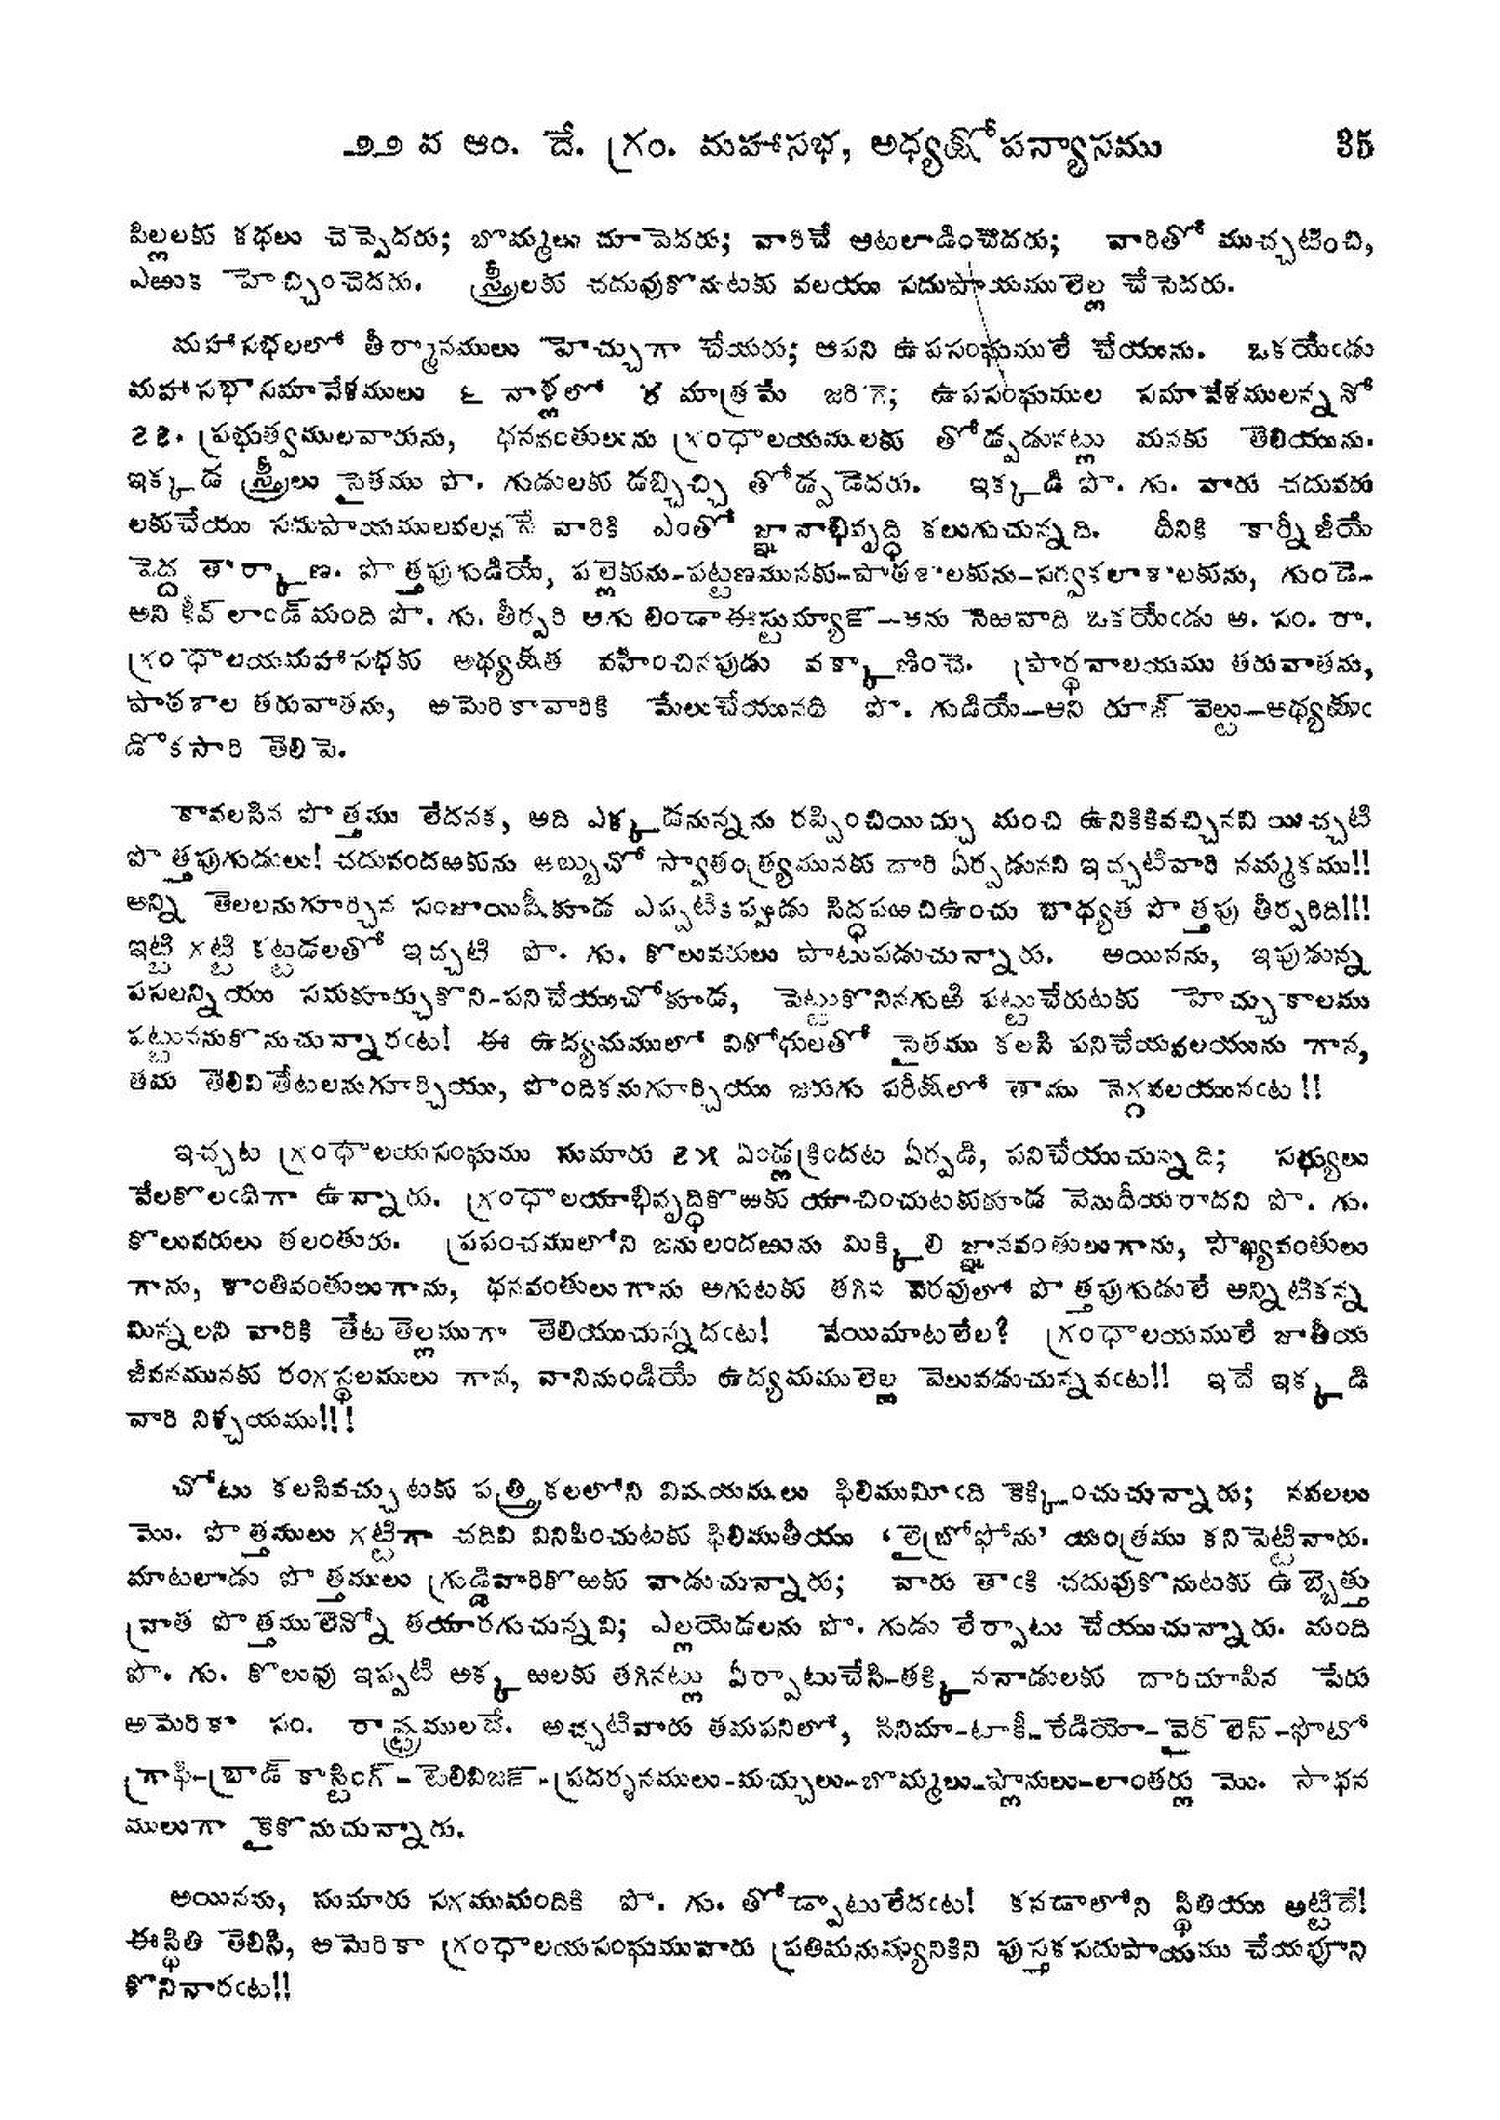పిల్లలకు కథలు చెప్పెదరు; బొమ్మలు చూపెదరు; వారిచే ఆటలాడించెదరు; వారితో ముచ్చటించి, ఎఱుక హెచ్చించెదరు. 
స్త్రీలకు చదువుకొనుటకు వలయు పదుపాయములెల్ల చేసెదరు.

మహాసభలలో తీర్మానములు హెచ్చుగా చేయరు; ఆపని ఉపసంఘములే చేయును. ఒకయేఁడు మహాసభాసమావేశములు 
౬ నాళ్లలో ౪ మాత్రమే జరిగె; ఉపసంఘముల సమావేశములన్నచొ ౭౭. ప్రభుత్వములవారును, ధనవంతులును 
గ్రంధాలయములకు తోడ్పడునట్లు మనకు తెలియును. ఇక్కడ స్త్రీలు సైతము పొ. గుడులకు డబ్బిచ్చి తోడ్పడెదరు. 
ఇక్కడి పొ.గు. వారు చదువలకు చేయు సముపాయములవలననే వారికి ఎంతో జ్ఞానాభివృద్ధి కలుగుచున్నది. దీనికి 
కార్నీజీయే పెద్ద తార్కాణ. పొత్తపుగుడియే, పల్లెకును - పట్టణమునకు పాఠశాలకును - సర్వకళాశాలకును, గుండె - 
అని క్లీవ్ లాండ్ మంది పొ.గు. తీర్పరి ఆగు లిండా ఈస్టుమ్యా౯ అను నెఱరవేరి నిజవాది ఒక యేఁడు అ.సం.రా.
గ్రంధాలయమహాసభకు అధ్యక్షత వహించినపుడు వక్కాణించె. ప్రార్థనాలయము తరువాతను, పాఠశాల తరువాతను, 
అమెరికావారికి మేలుచేయునది పొ.గుడియే - అని రూజ్ వెల్టు - అధక్షుడుఁ డొకసారి తెలిపె.

కావలసిన పొత్తము లేదనక, అది ఎక్కడనున్నను రప్పించియిచ్చు మంచి ఉనికికివచ్చినవి యిచ్చటి పొత్తపుగుడులు! 
చదువందఱకును అబ్బుచో స్వాతంత్య్రమునకు దారి ఏర్పడునని ఇచ్చటివారి నమ్మకము!! అన్ని తెలలను గూర్చిన 
సంజాయిషీ కూడ ఎప్పటికిప్పుడు సిద్ధపఱచి ఉంచు బాధ్యత పొత్తపు తీర్పరిది!!! ఇట్టి గట్టి కట్టడలతో ఇచ్చటి పొ.గు. 
కొలువకులు పాటుపడుచున్నారు. అయినను, ఇపుడున్న పసలన్నియు సమకూర్చుకొని - పనిచేయుచోకూడ, 
పెట్టుకొనినగుఱి పట్టు చేరుటకు హెచ్చుకాలము పట్టుననుకొనుచున్నారఁట! ఈ ఉద్యమములో విరోధులతో సైతము కలసి పనిచేయవలయును గాన, తమ తెలివి తేటలను గూర్చియు, పొందికను గూర్చియు జరుగు పరీక్షలో తాము నెగ్గవలయునఁట!!

ఇచ్చట గ్రంథాలయ సంఘము సుమారు ౭౫ ఏండ్ల క్రిందట ఏర్పడి, పనిచేయుచున్నది; సభ్యులు వేలకొలఁదిగా ఉన్నారు. గ్రంధాలయాభివృద్ధికొఱకు యాచించుటకు కూడ వెసుదీయరాదని పొ.గు.కొలువరులు తలంతురు. ప్రపంచములోని 
జనులందఱును మిక్కిలి జ్ఞానవంతులుగాను, సౌఖ్యవంతులు గాను, శాంతివంతులుగాను, ధనవంతులు గాను అగుటకు 
తగిన వెరువులో పొత్తపుగుడులే అన్నిటీకన్న మిన్నలని వారికి తేట తెల్లముగా తెలియుచున్నదఁట! వేయిమాటలేల?
గ్రంధాలయములే జాతీయజీవనమునకు రంగస్థలములు గాన, వానియండియే ఉద్యమములెల్ల వెలువడుచున్నవఁట!! 
ఇదే ఇక్కడ వారి నిశ్చయము!!!

చోటు కలసివచ్చుటకు పత్రికలలోని విషయములు ఫిలిముమీఁది కెక్కించుచున్నారు; నవలలు మొ. పొత్తములు గట్టిగా 
చదివి వినిపించుటకు ఫిలిముతీయు 'లైబ్రోఫోను' యంత్రము కనిపెట్టినారు. మాటలాడు పొత్తములు గ్రుడ్డివారికొఱకు 
వాడుచున్నారు; వారు తాఁకి చదువుకొనుటకు ఉబ్బెత్తు వ్రాత పొత్తములెన్నో తయారగుచున్నవి; ఎల్లయెడలను 
పొ.గుడు లేర్పాటు చేయుచున్నారు. మంది పొ. గు. కొలువు ఇప్పటి అక్కఱలకు తగినట్లు ఏర్పాటు చేసి - 
తక్కిననాడులకు దారిచూపిన పేరు అమెరికా సం. రాష్ట్రములదే. అచ్చటివారు తమపనిలో, సినిమా-టాకీ-రేడియో-
వైర్ లెస్ ఫొటో-గ్రాఫీ-బ్రాడ్ కాస్టింగ–టెలివిజ౯ - ప్రదర్శనములు - మచ్చులు-బొమ్మలు-ప్లానులు-లాంతర్లు మొ.సాధన
ములుగా కైకొనుచున్నారు.

అయినను, సుమారు సగముమందికి పొ.గు. తోడ్పాటు లేదఁట! కనడాలోని స్థితియు అట్టిదే! ఈస్థితి తెలిసి, అమెరికా 
గ్రంధాలయ సంఘము వారు ప్రతిమనుష్యునికిని పుస్తక సదుపాయము చేయవూని కొనినారఁట!!